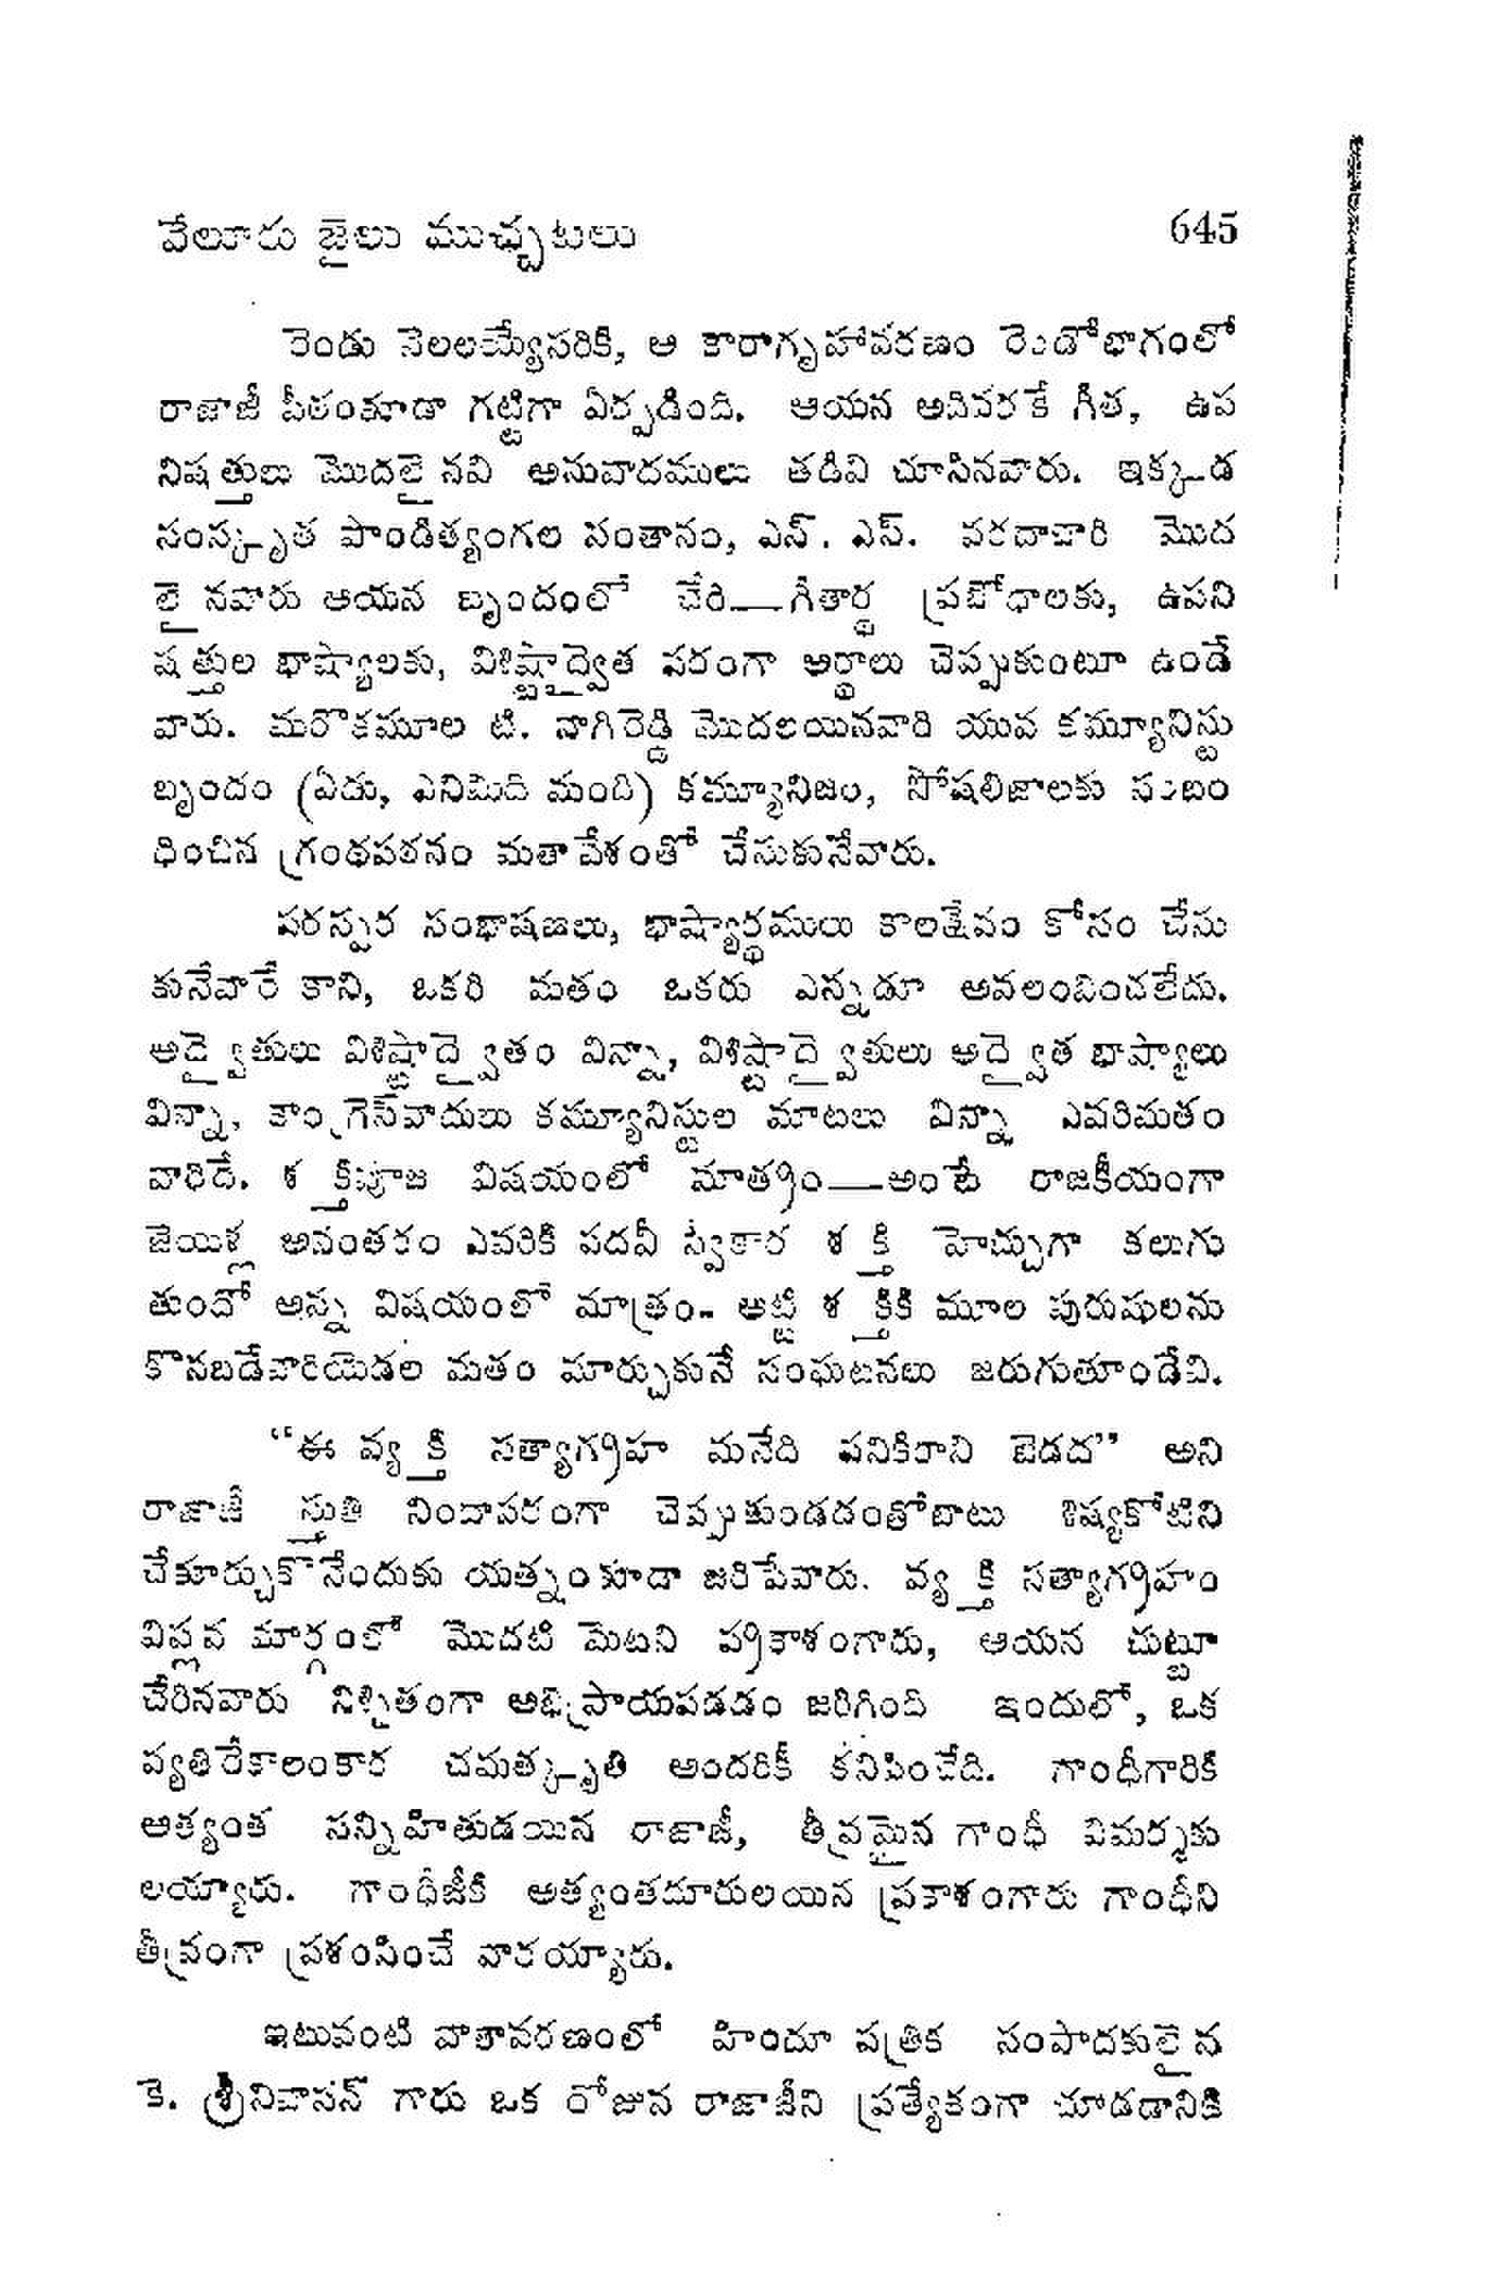రెండు నెలలయ్యేసరికి, ఆ కారాగృహావరణం రెండోభాగంలో రాజాజీ పీఠంకూడా గట్టిగా ఏర్పడింది. ఆయన అదివరకే గీత, ఉపనిషత్తులు మొదలైనవి అనువాదములు తడివి చూసినవారు. ఇక్కడ సంస్కృత పాండిత్యంగల సంతానం, ఎస్. ఎస్. వరదాచారి మొదలైనవారు ఆయన బృందంలో చేరి - గీతార్థ ప్రబోధాలకు, ఉపనిషత్తుల భాష్యాలకు, విశిష్టాద్వైత పరంగా అర్థాలు చెప్పుకుంటూ ఉండేవారు. మరొకమూల టి. నాగిరెడ్డి మొదలయినవారి యువ కమ్యూనిష్టు బృందం (ఏడు, ఎనిమిది మంది) కమ్యూనిజం, సోషలిజాలకు సంబంధించిన గ్రంథపఠనం మతావేశంతో చేసుకునేవారు.

పరస్పర సంభాషణలు, భాష్యార్థములు కాలక్షేపం కోసం చేసుకునేవారే కాని, ఒకరి మతం ఒకరు ఎన్నడూ అవలంబించలేదు. అద్వైతులు విశిష్టాద్వైతం విన్నా, విశిష్టాద్వైతులు అద్వైత భాష్యాలు విన్నా, కాంగ్రెస్‌వాదులు కమ్యూనిస్టుల మాటలు విన్నా ఎవరిమతం వారిదే. శక్తిపూజ విషయంలో మాత్రం - అంటే రాజకీయంగా జెయిళ్ల అనంతరం ఎవరికి పదవీ స్వీకార శక్తి హెచ్చుగా కలుగుతుందో అన్న విషయంలో మాత్రం - అట్టి శక్తికి మూల పురుషులను కొనబడేవారియెడల మతం మార్చుకునే సంఘటనలు జరుగుతూండేవి.

"ఈ వ్యక్తి సత్యాగ్రహ మనేది పనికిరాని బెడద" అని రాజాజీ స్తుతి నిందాపరంగా చెప్పుకుండడంతోబాటు శిష్యకోటిని చేకూర్చుకొనేందుకు యత్నం కూడా జరిపేవారు. వ్యక్తి సత్యాగ్రహం విప్లవ మార్గంలో మొదటి మెట్టని ప్రకాశంగారు, ఆయన చుట్టూ చేరినవారు నిశ్చితంగా అభిప్రాయపడడం జరిగింది. ఇందులో, ఒక వ్యతిరేకాలంకార చమత్కృతి అందరికీ కనిపించేది. గాంధీగారికి అత్యంత సన్నిహితుడయిన రాజాజీ, తీవ్రమైన గాంధీ విమర్శకులయ్యారు. గాంధీజీకి అత్యంతదూరులయిన ప్రకాశంగారు గాంధీని తీవ్రంగా ప్రశంసించే వారయ్యారు.

ఇటువంటి వాతావరణంలో హిందూ పత్రిక సంపాదకులైన కె. శ్రీనివాసన్ గారు ఒక రోజున రాజాజీని ప్రత్యేకంగా చూడడానికి